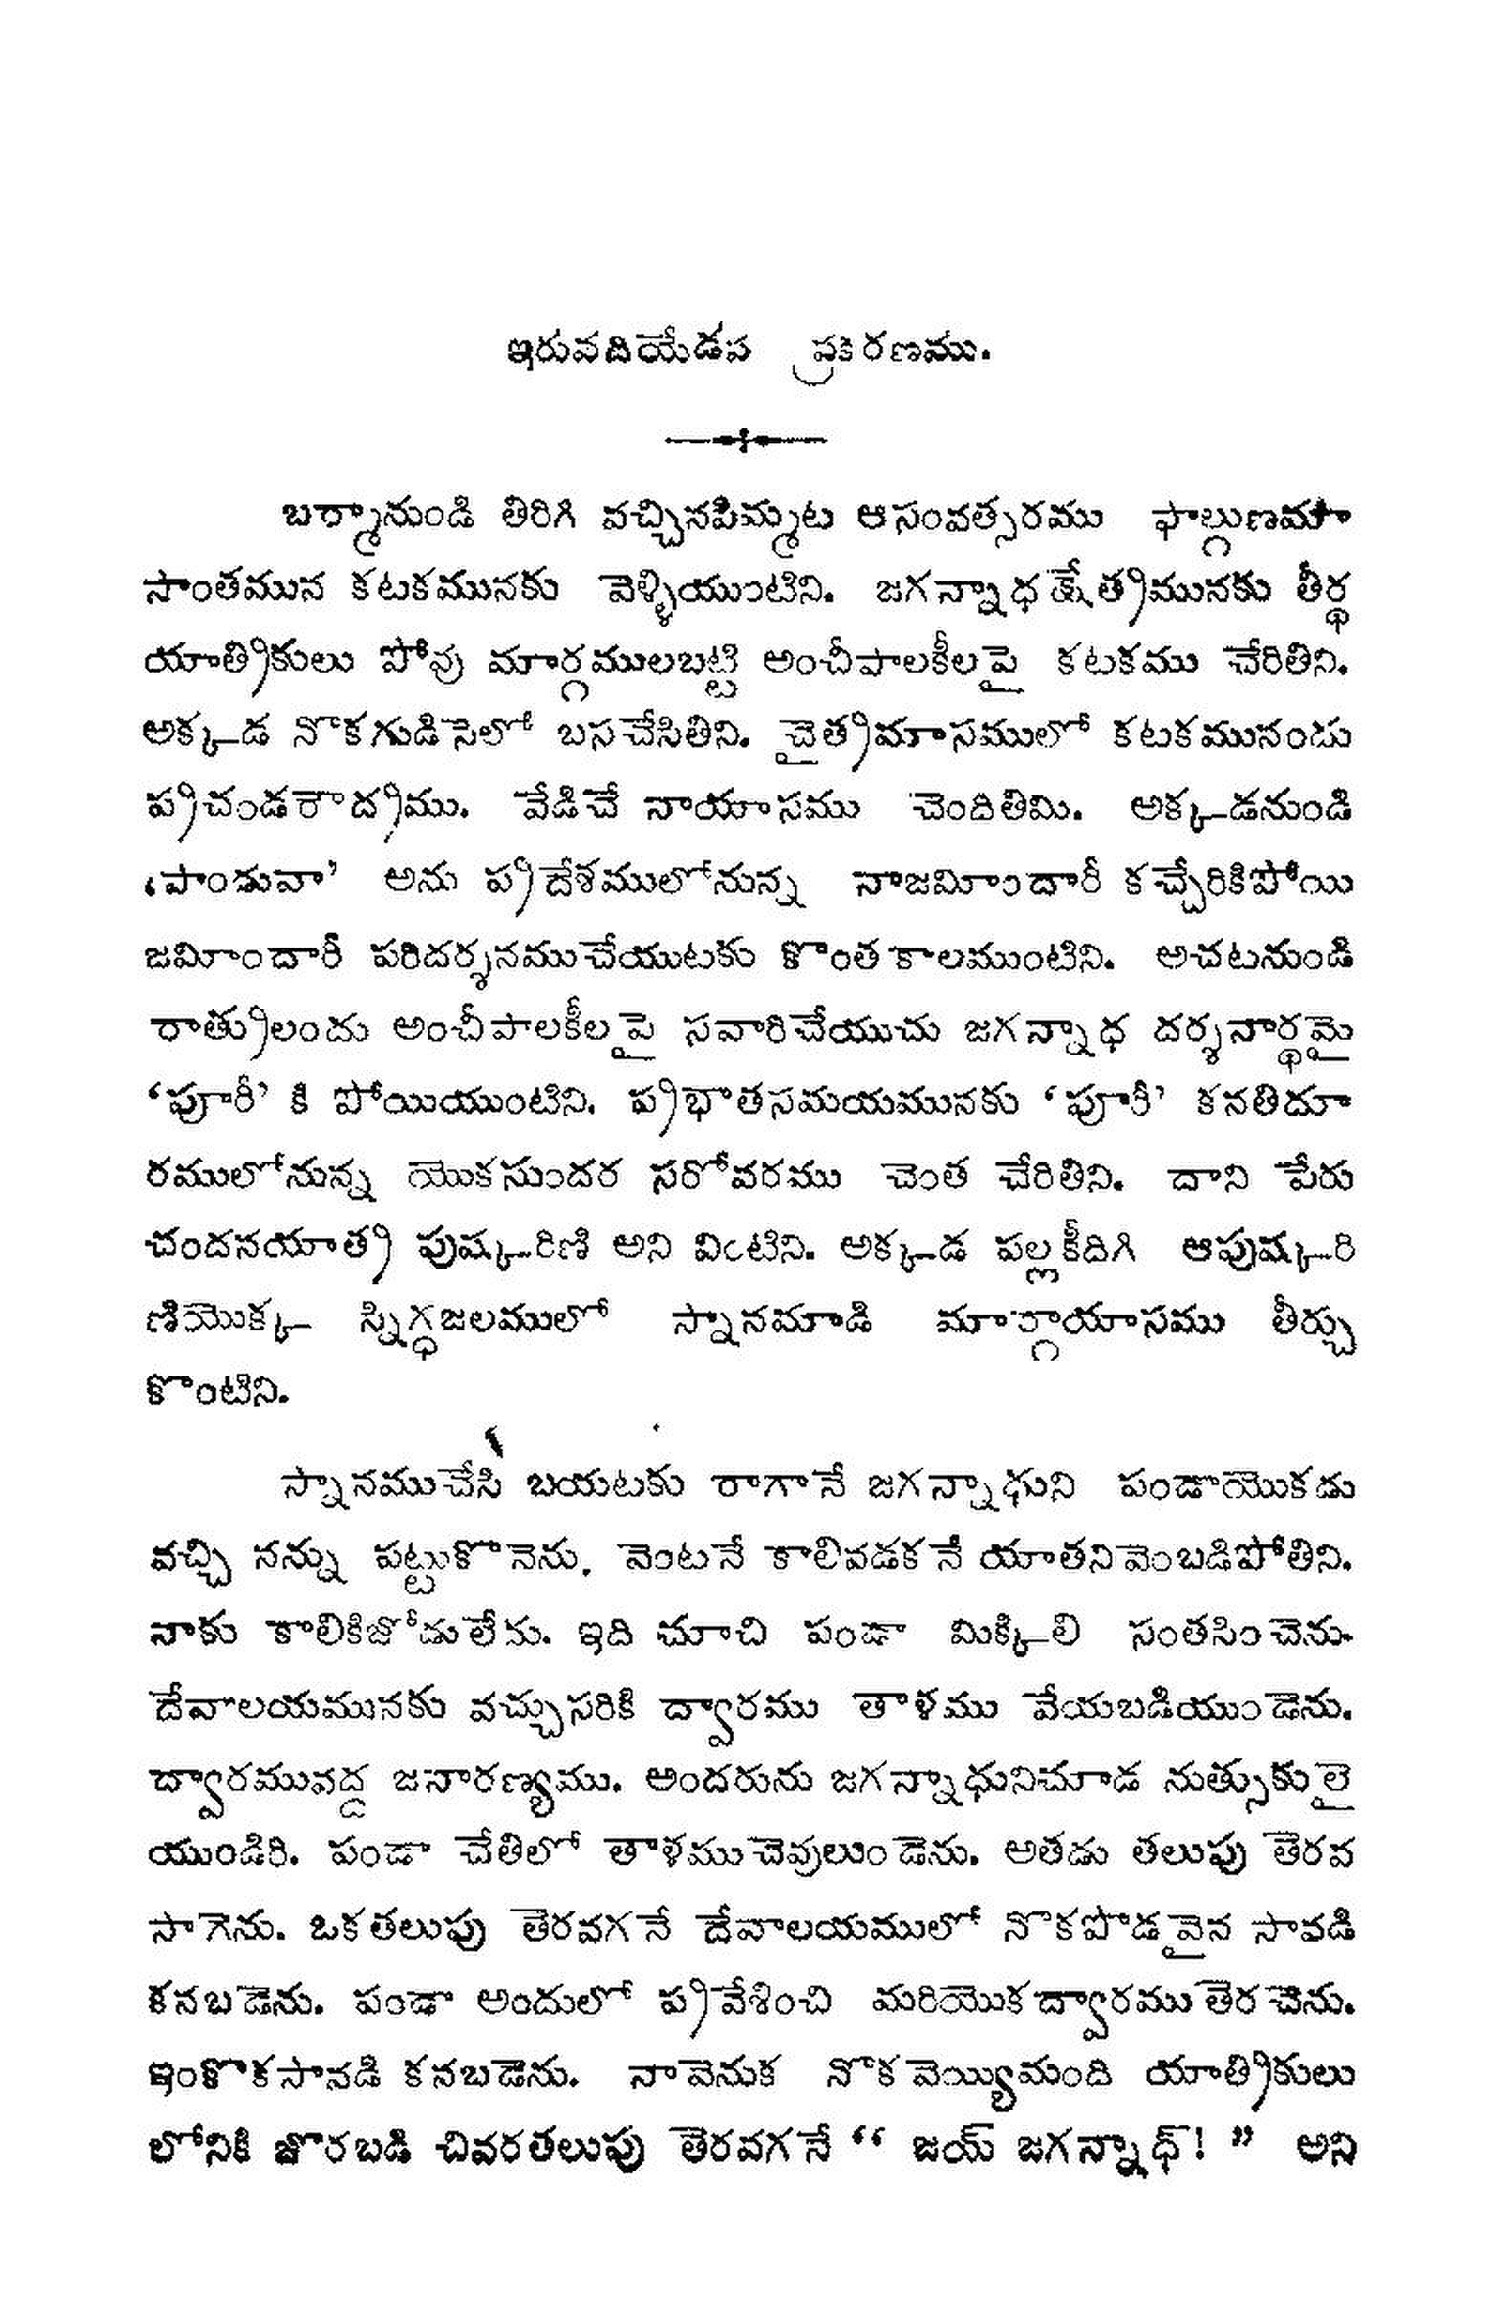బర్మానుండి తిరిగి వచ్చిన పిమ్మట ఆ సంవత్సరము ఫాల్గుణమా
సాంతమున కటకమునకు వెళ్ళియుంటిని. జగన్నాధ క్షేత్రమునకు తీర్థ
యాత్రికులు పోవు మార్గములబట్టి అంచీ పాలకీల పై కటకము చేరితిని,
అక్కడ నొక గుడిసెలో బస చేసితిని. చైత్రమాసములో కటకము నందు
ప్రచండ రౌద్రము. వేడిచే నాయాసము చెందితిమి. అక్కడ నుండి
పాండువా' అను ప్రదేశములోనున్న నాజమీందారీ కచ్చేరికి పోయి
జమీందారీ పరిదర్శనము చేయుటకు కొంత కాలముంటిని. అచటనుండి
రాత్రులందు అంచీ పాలకీల పై సవారి చేయుచు జగన్నాధ దర్శనార్థమై
“పూరీ' కి పోయియుంటిని, ప్రభాత సమయమునకు ' పూరి' కనలిదూ
రములోనున్న యొక సుందర సరోవరము చెంత చేరితిని. దాని పేరు
చందనయాత పుష్కరిణి అని వింటిని. అక్కడ పల్లకీ దిగి ఆపుష్కరిణి
యొక్క స్నిగ్ధజలములో స్నానమాడి మార్గాయాసము తీర్చుకొంటిని.

స్నానము చేసి బయటకు రాగానే జగన్నాధుని పండాయొకడువచ్చి నన్ను 
పట్టుకొనెను. వెంటనే కాలివడకనే యాతని వెంబడి పోతిని.
నాకు కాలికిజోడు లేదు. ఇది చూచి పండా మిక్కిలి సంతసించెను
దేవాలయమునకు వచ్చు సరికి ద్వారము తాళము వేయబడి యుండెను.
ద్వారమువద్ద జనారణ్యము. అందరును జగన్నాధుని చూడ నుత్సుకులై
యుండిరి. పండా చేతిలో తాళము చెవులుండెను. అతడు తలుపు తెరవ
సాగెను. ఒక తలుపు తెరవగనే దేవాలయములో నొకపొడవైన సావడి
కనబడెను. పండా అందులో ప్రవేశించి మరియొక ద్వారము తెరచెను.
ఇంకొకసానడి కనబడెను. నా వెనుక నొక వెయ్యిమంది యాత్రికులు
లోనికి జొరబడి చివర తలుపు తెరవగనే " జయ్ జగన్నాధ్ ! " అని